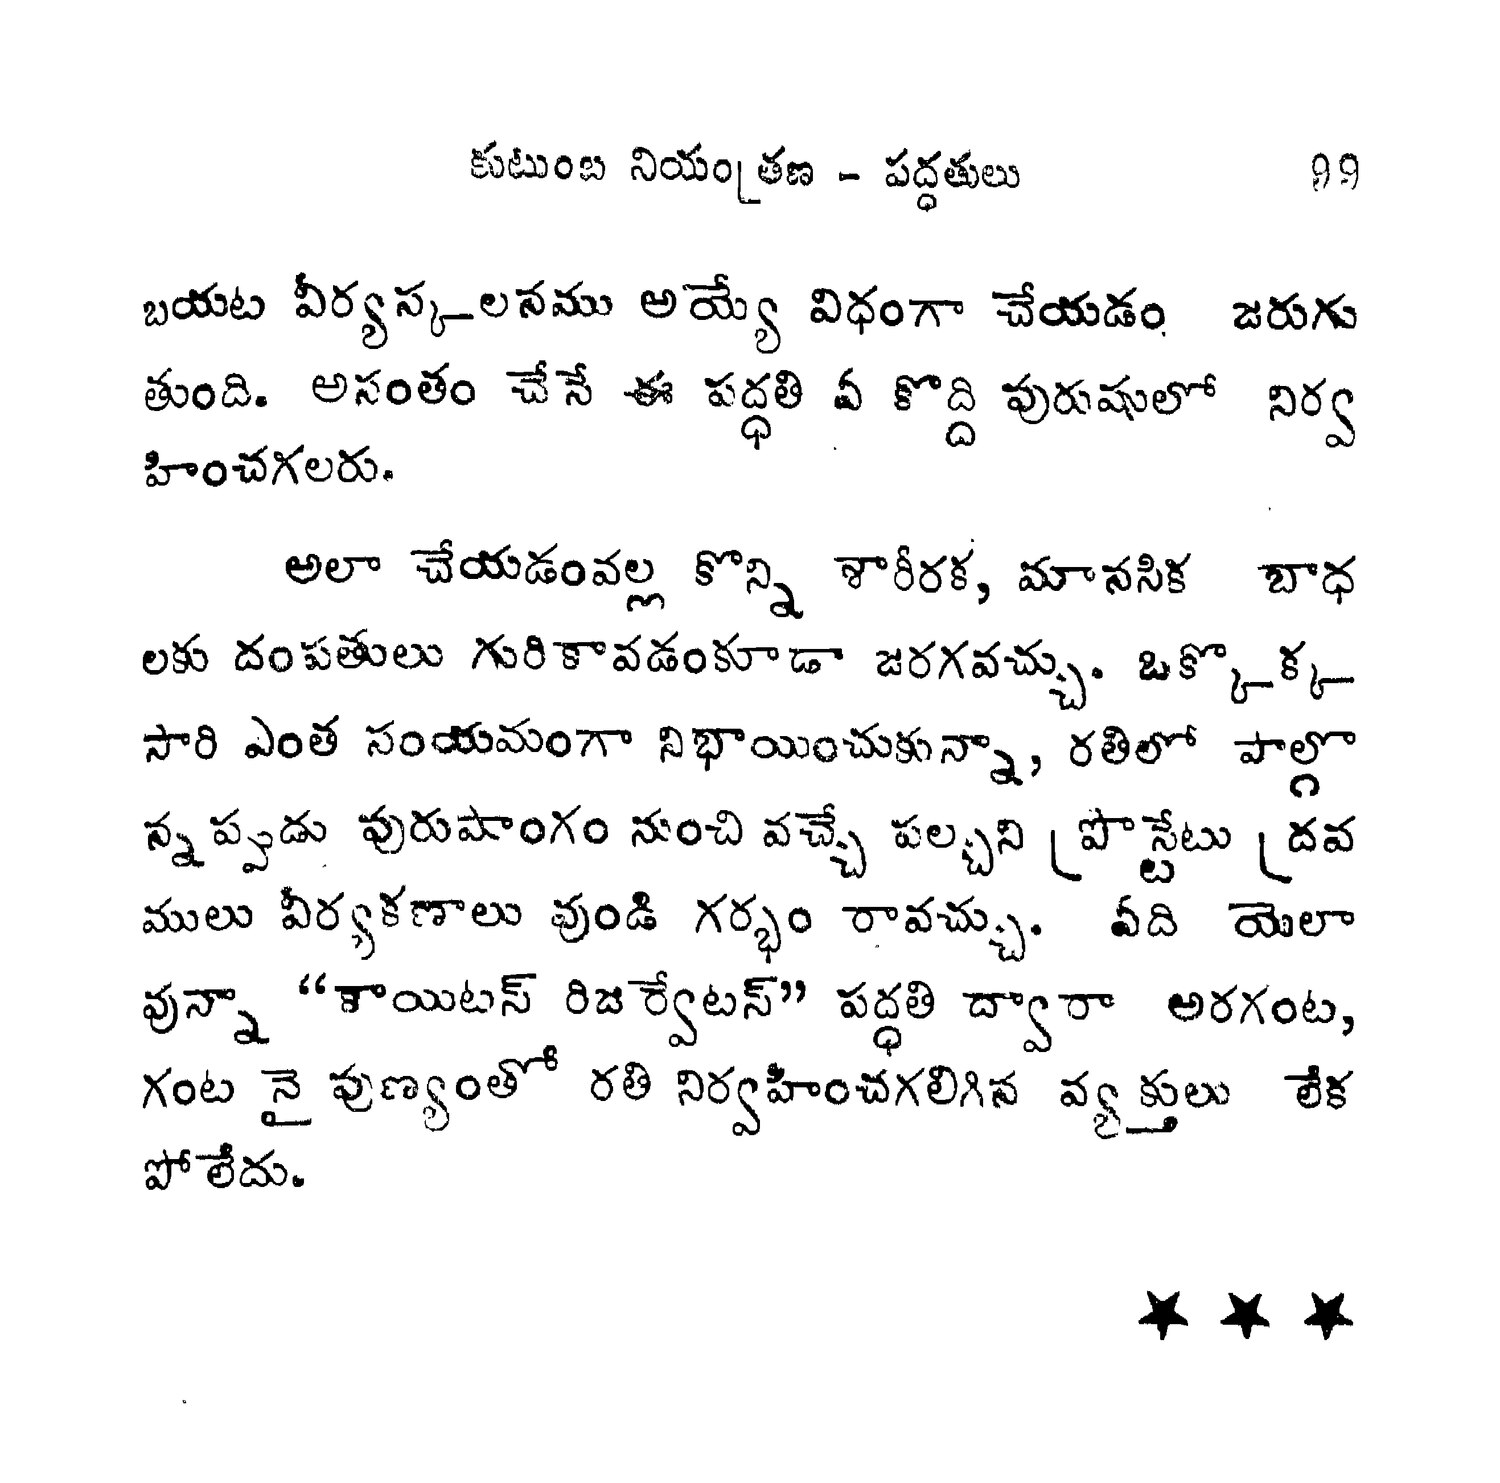బయట వీర్యస్కలనము అయ్యే విధంగా చేయడం జరుగుతుంది. అనంతం చేసే ఈ పద్దతి ఏ కొద్ది పురుషులో నిర్వహించగలరు.

అలా చేయడంవల్ల కొన్ని శారీరక, మానసిక బాధలకు దంపతులు గురికావడంకూడా జరగవచ్చు.ఒక్కొక్కసారి ఎంత సంయమంగా నిభాయించుకున్నా, రతిలో పాల్గొన్నపుడు పురుషాంగం నుంచి వచ్చే పల్చని ప్రొస్టేటు ద్రవములు వీర్యకణాలు వుండి గర్భం రావచ్చు. ఏది యెలావున్నా “కాయిటస్ రిజర్వేటస్“ పద్ధతి ద్వారా అరగంట, గంట నైపుణ్యంతో రతి నిర్వహించగలిగిన వ్యక్తులు లేకపోలేదు.

* * *